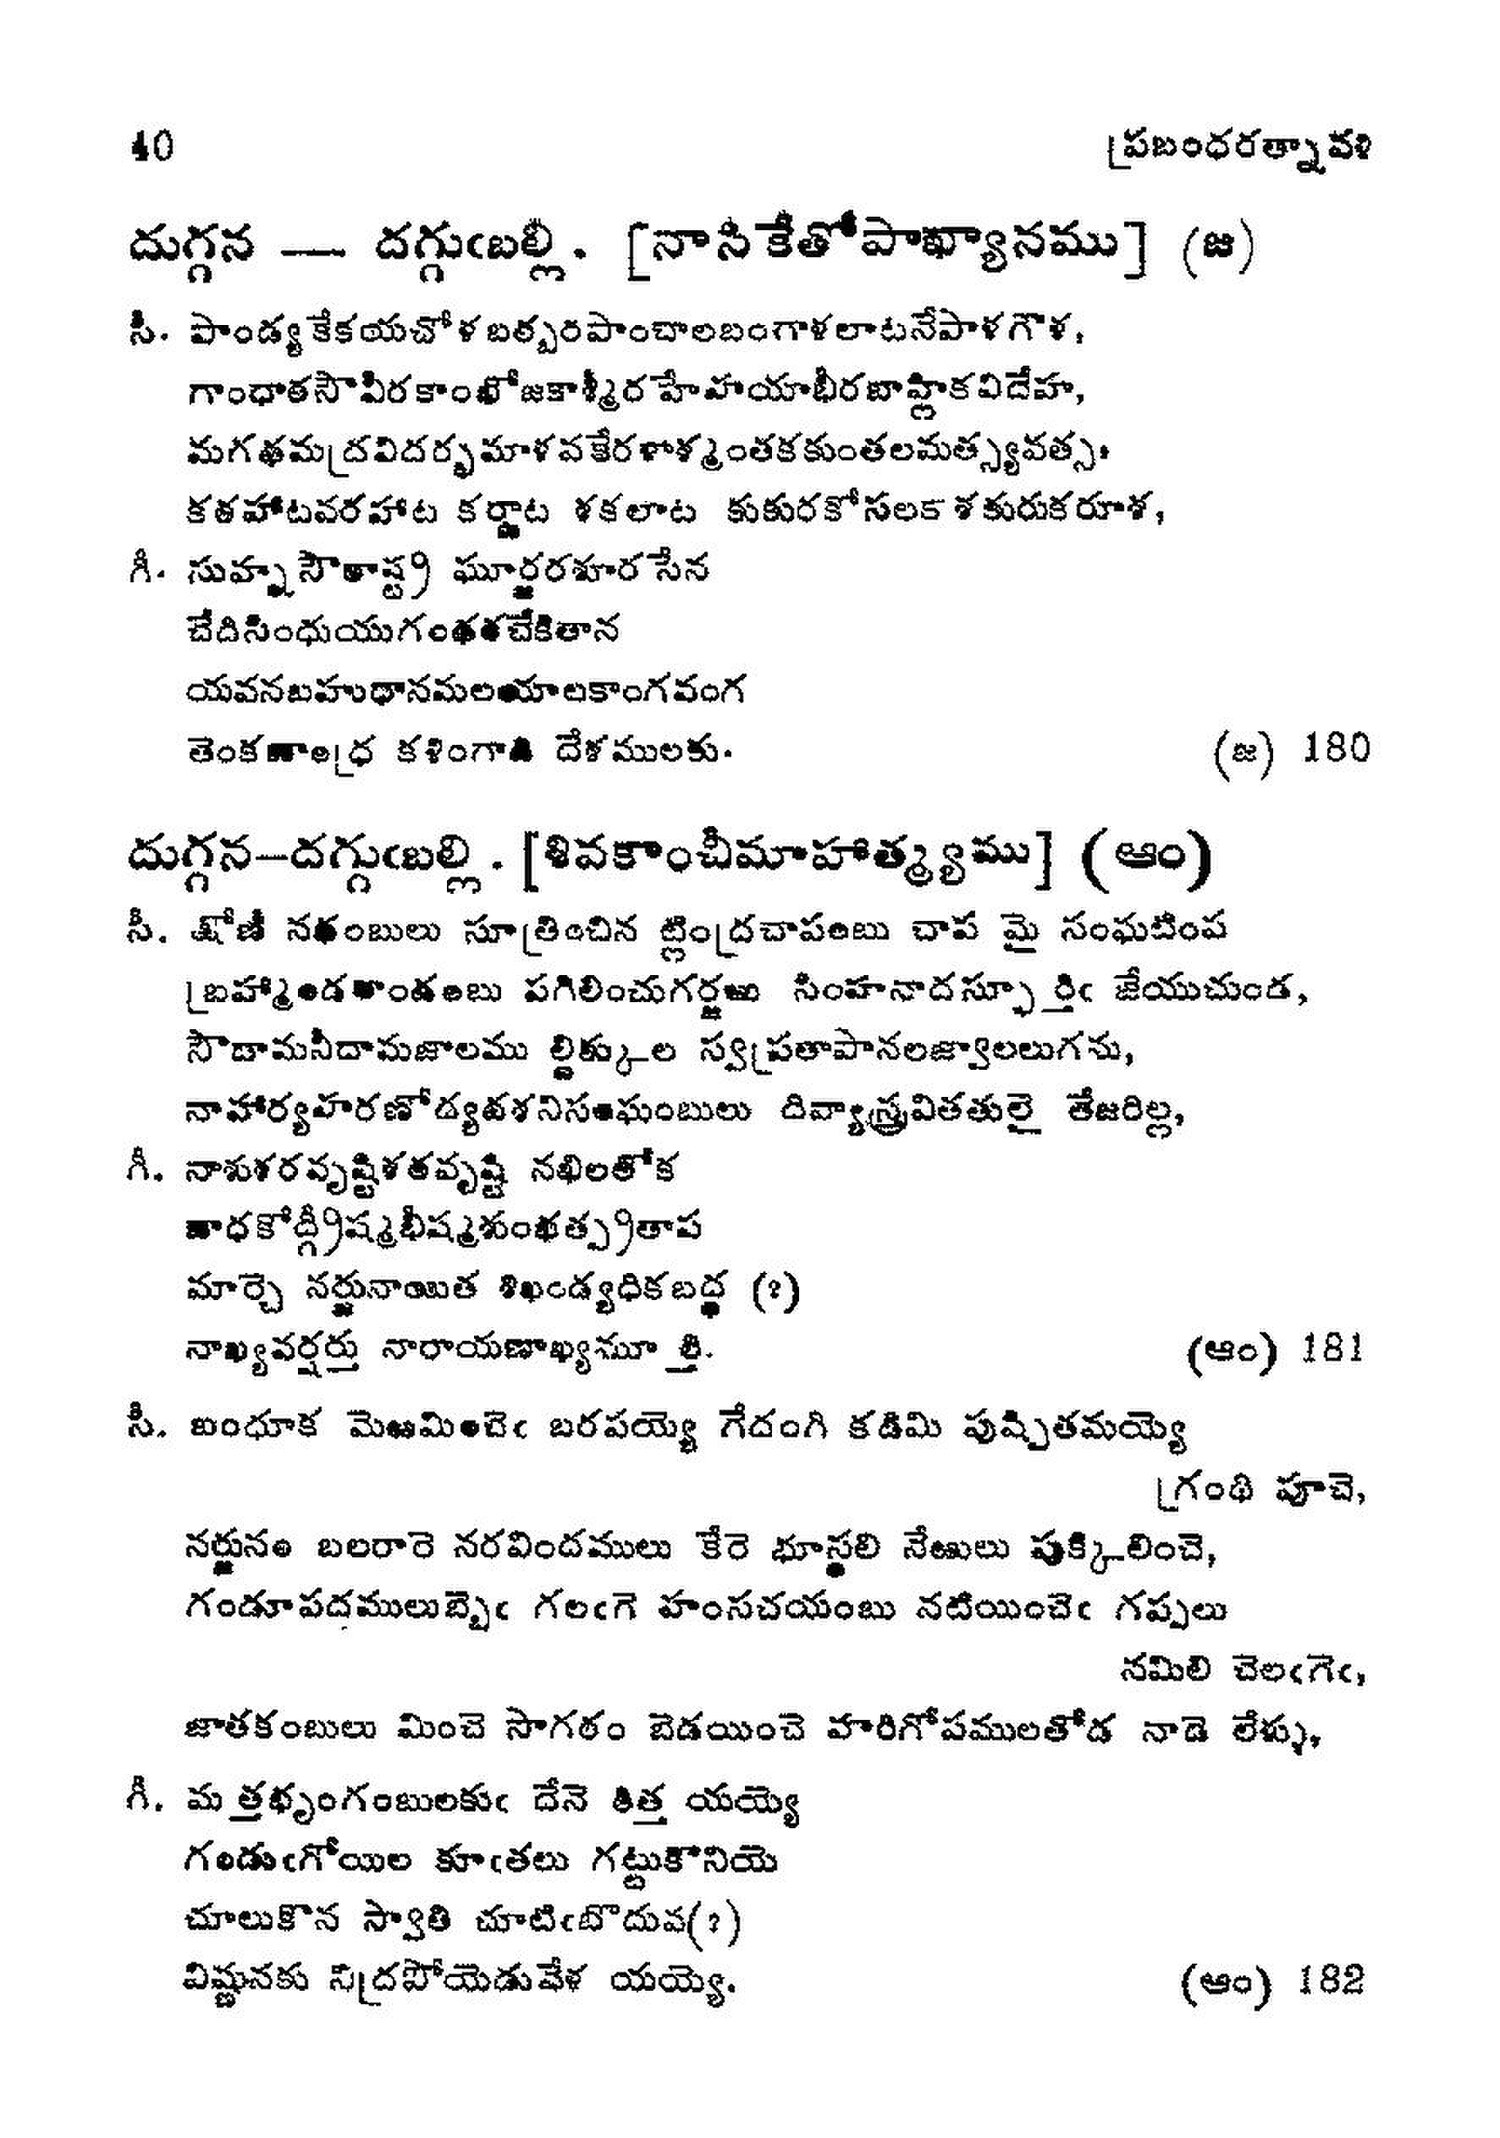సీ. పాండ్య కేకయ చోళ బర్బర పాంచాల బంగాళ లాట నేపాళ గౌళ
గాంధార సౌవీర కాంభోజ కాశ్మీర హేహయాభీల బాహ్లిక విదేహ
మగధ మద్ర విదర్భ మాళవ కేరళా శ్మంతక కుంతల మత్స్యవత్స
కరహాట వరహాట కర్ణాట శకలాట కుకుర కోసల కాశ కురు కరూశ
తే. సుహ్న సౌరాష్ట్ర ఘూర్జర శూరసేన
చేది సింధు యుగంధర చేకితాన
యవన బహుధాన మలయాల కాంగ వంగ
తెంకణాంధ్ర కళింగాది దేశములకు. (జ) 180

సీ. క్షోణీనభంబులు సూత్రించిన ట్లింద్ర చాపంబు చాపమై సంఘటింప,
బ్రహ్మాండభాండంబు పగిలించు గర్జలు సింహనాధస్ఫూర్తిఁ జేయుచుండ,
సౌదామనీదామజాలము ల్దిక్కుల స్వప్రతాపానలజ్వాలలుగను,
నాహార్యహరణోద్యదశనిసంఘంబులు దివ్యాస్త్రవితతులై తేజరిల్ల,
గీ. నాశుశరవృష్టి శరవృష్టి నఖిలలోక
బాధకోద్గ్రీష్మభీష్మశుంభత్ప్రతాప
మార్చె నర్జునాయిత శిఖండ్యధికబద్ధ[?]
నాఖ్యవర్షర్తు నారాయణాఖ్యమూర్తి. (ఆం) 181

సీ. బంధూక మెఱమించె బరపయ్యె గేదంగి కడిమి పుష్పితమయ్యె గ్రంథి పూచె
నర్జునం బలరారె నరవిందములు కేరె భూస్థలి నేఱులు పుక్కిలించె
గండూపదము లుబ్బె గలరె హంసచయంబు నటియించె గప్పలు నమిలి చెలఁగెఁ
జాతకంబులు మించె సాగరం బెడయించె హరిగోపములతోడ నాడె లేళ్ళు
గీ. మత్తభృంగంబులకుఁ దేనె రిత్త యయ్యె
గండుకోయిల కూఁతలు గట్టుకొనియె
చూలుకొన స్వాతి చూటిఁ బొదువ[?]
విష్ణునకు నిద్రపోయెడు వేళ యయ్యె. (ఆం) 182